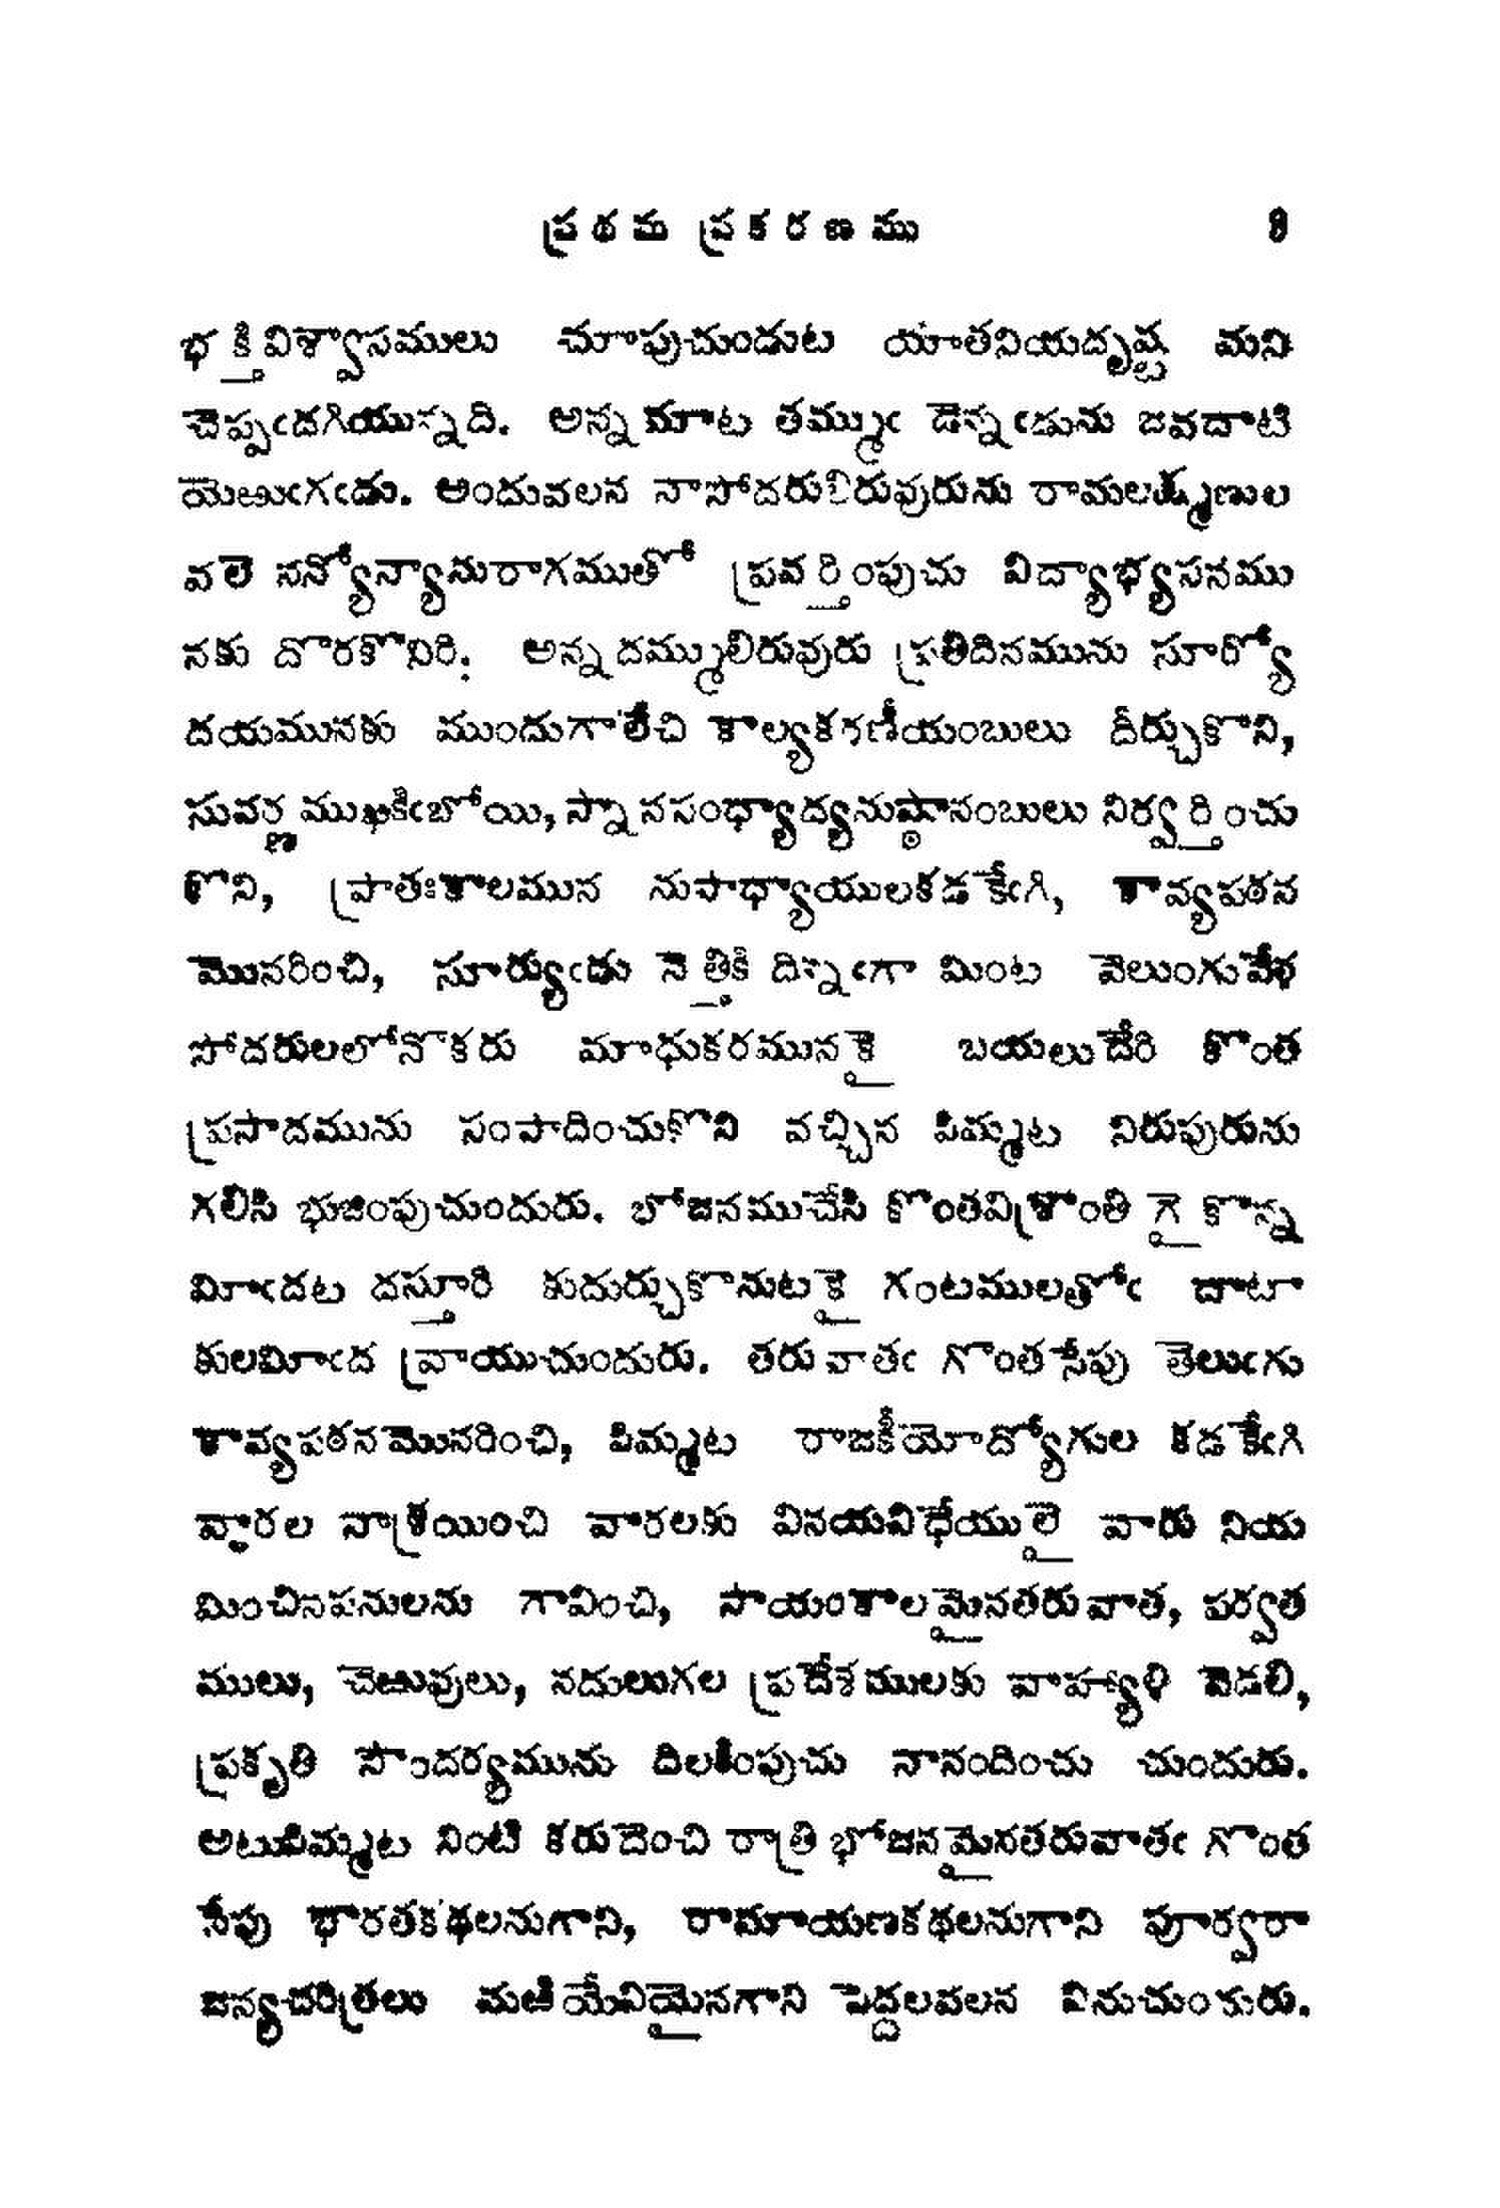భక్తివిశ్వాసములు చూపుచుండుట యాతనియదృష్ట మని చెప్పఁదగియున్నది. అన్నమాట తమ్ముఁ డెన్నఁడును జవదాటి యెఱుఁగఁడు. అందువలన నాసోదరులిరువురును రామలక్ష్మణులవలె నన్యోన్యానురాగముతో ప్రవర్తింపుచు విద్యాభ్యసనమునకు దొరకొనిరి. అన్నదమ్ములిరువురు ప్రతిదినమును సూర్యోదయమునకు ముందుగాలేచి కాల్యకరణీయంబులు దీర్చుకొని, సువర్ణముఖికిఁబోయి, స్నానసంధ్యాద్యనుష్ఠానంబులు నిర్వర్తించుకొని, ప్రాతఃకాలమున నుపాధ్యాయులకడకేఁగి, కావ్యపఠన మొనరించి, సూర్యుఁడు నెత్తికి దిన్నఁగా మింట వెలుంగువేళ సోదరులలోనొకరు మాధుకరమునకై బయలుదేరి కొంత ప్రసాదమును సంపాదించుకొని వచ్చిన పిమ్మట నిరుపురును గలిసి భుజింపుచుందురు, భోజనముచేసి కొంతవిశ్రాంతి గైకొన్న మీఁదట దస్తూరి కుదుర్చుకొనుటకై గంటములతోఁ దాటాకులమీఁద వ్రాయుచుందురు. తరువాతఁ గొంతసేపు తెలుగు కావ్యపఠనమొనరించి, పిమ్మట రాజకీయోద్యోగుల కడకేఁగి వారల నాశ్రయించి వారలకు వినయవిధేయులై వారు నియమించినషసులను గావించి, సాయంకాలమైనతరువాత, పర్వతములు, చెఱువులు, నదులుగల ప్రదేశములకు వాహ్యాళి వెడలి, ప్రకృతి సౌందర్యమును దిలకింపుచు నానందించు చుందురు. అటుపిమ్మట నింటి కరుదెంచి రాత్రిభోజనమైనతరువాతఁ గొంతసేపు భారతకథలనుగాని, రామాయణకథలనుగాని పూర్వరా జన్యచరిత్రలు మఱియేవియైనగాని పెద్దలవలన వినుచుందురు.